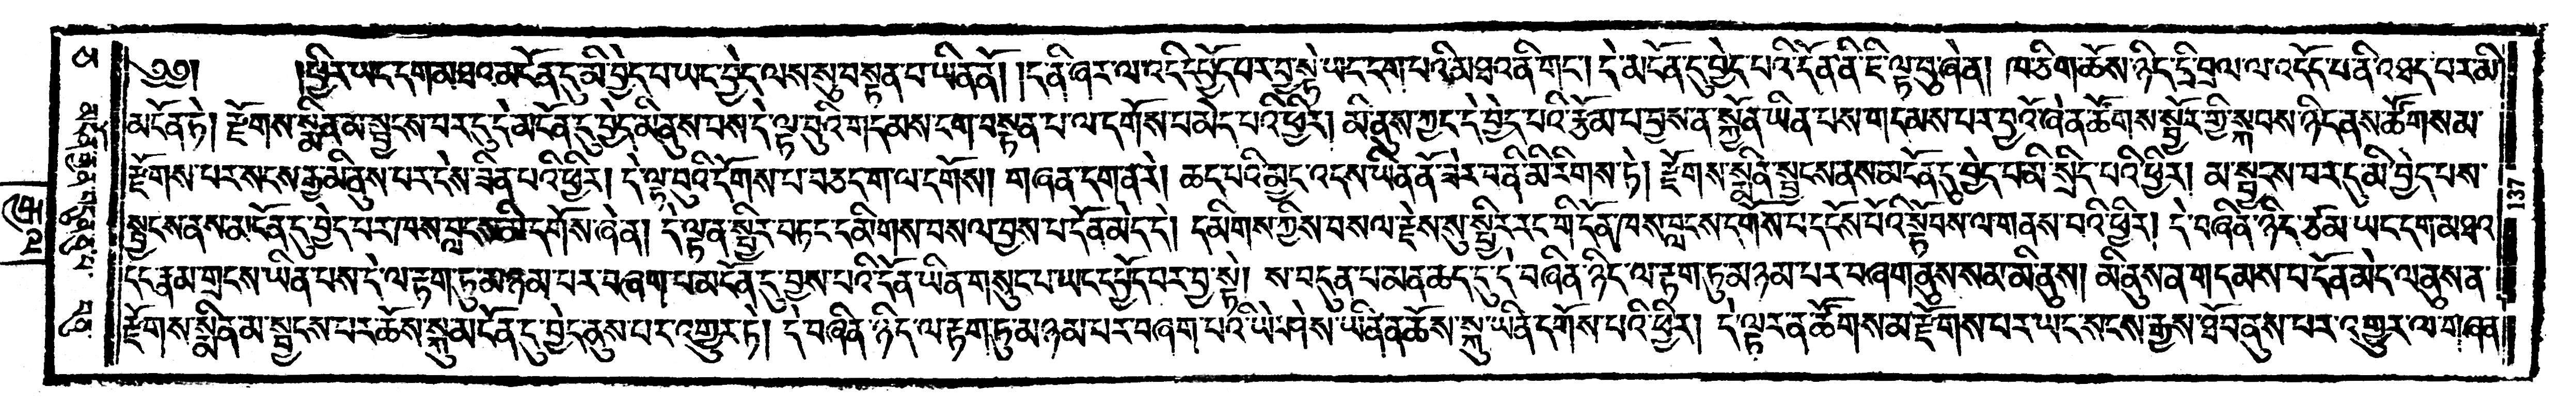༄༅། །ཕྱིར་ཡང་དག་མཐའ་མངོན་དུ་མི་བྱེད་པ་ཡང་བྱེད་ལས་སུ་བསྟན་པ་ཡིན་ནོ། །ད་ནི་ཞར་ལ་འདི་དཔྱོད་པར་བྱ་སྟེ་ཡང་དག་པའི་མཐའ་ནི་གང་། དེ་མངོན་དུ་བྱེད་པའི་དོན་ནི་ཇི་ལྟ་བུ་ཞེ་ན། ཁ་ཅིག་ཆོས་ཉིད་དྲི་བྲལ་ལ་འདོད་པ་ནི་འཐད་པར་མི་
མངོན་ཏེ། རྫོགས་སྨིན་མ་སྦྱངས་བར་དུ་དེ་མངོན་དུ་བྱེད་མི་ནུས་པས་དེ་ལྟ་བུའི་གདམས་ངག་བསྟན་པ་ལ་དགོས་པ་མེད་པའི་ཕྱིར། མི་ནུས་ཀྱང་དེ་བྱེད་པའི་རྩོམ་པ་བྱས་ན་སྐྱོན་ཡིན་པས་གདམས་པར་བྱའོ་ཞེ་ན་ཚོགས་སྦྱོར་གྱི་སྐབས་ཉིད་ནས་ཚོགས་མ་
རྫོགས་པར་སངས་རྒྱ་མི་ནུས་པར་ངེས་ཟིན་པའི་ཕྱིར། དེ་ལྟ་བུའི་དོགས་པ་བཅད་ག་ལ་དགོས། གཞན་དག་ན་རེ། ཆད་པའི་མྱང་འདས་ཡིན་ནོ་ཟེར་བ་ནི་མི་རིགས་ཏེ། རྫོགས་སྨིན་སྦྱངས་ནས་མངོན་དུ་བྱེད་པ་མི་སྲིད་པའི་ཕྱིར། མ་སྦྱངས་བར་དུ་མི་བྱེད་པས་
སྦྱངས་ནས་མངོན་དུ་བྱེད་པར་ཁས་བླངས་མི་དགོས་ཞེ་ན། དེ་ལྟ་ན་སྤྱིར་བཏང་དམིགས་བསལ་བྱས་པ་དོན་མེད་དེ། དམིགས་ཀྱིས་བསལ་རྗེས་སུ་སྤྱིར་རང་གི་དོན་ཁས་བླངས་དགོས་པ་དངོས་པོའི་སྟོབས་ལ་གནས་པའི་ཕྱིར། དེ་བཞིན་ཉིད་ཙམ་ཡང་དག་མཐའ་
དང་རྣམ་གྲངས་ཡིན་པས་དེ་ལ་རྟག་ཏུ་མཉམ་པར་བཞག་པ་མངོན་དུ་བྱས་པའི་དོན་ཡིན་གསུང་པ་ཡང་དཔྱོད་པར་བྱ་སྟེ། ས་བདུན་པ་མན་ཆད་དུ་དེ་བཞིན་ཉིད་ལ་རྟག་ཏུ་མཉམ་པར་བཞག་ནུས་སམ་མི་ནུས། མི་ནུས་ན་གདམས་པ་དོན་མེད་ལ་ནུས་ན་
རྫོགས་སྨིན་མ་སྦྱངས་པར་ཆོས་སྐུ་མངོན་དུ་བྱེད་ནུས་པར་འགྱུར་ཏེ། དེ་བཞིན་ཉིད་ལ་རྟག་ཏུ་མཉམ་པར་བཞག་པའི་ཡེ་ཤེས་ཡིན་ན་ཆོས་སྐུ་ཡིན་དགོས་པའི་ཕྱིར། དེ་ལྟར་ན་ཚོགས་མ་རྫོགས་པར་ཡང་སངས་རྒྱས་ཐོབ་ནུས་པར་འགྱུར་ལ་གཞན་